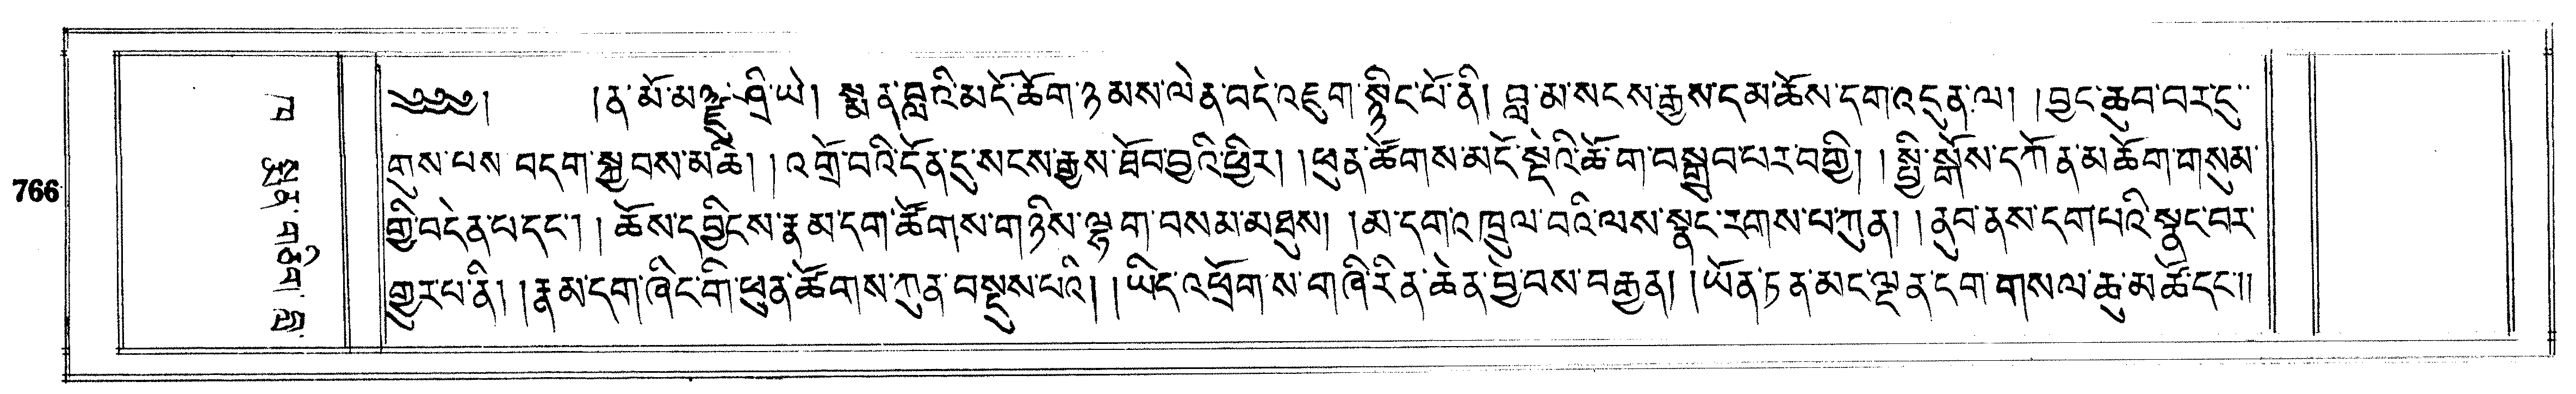༄༅། །ན་མོ་མཉྫུ་ཤྲི་ཡེ། སྨན་བླའི་མདོ་ཆོག་ཉམས་ལེན་བདེ་འཇུག་སྙིང་པོ་ནི། བླ་མ་སངས་རྒྱས་དམ་ཆོས་དག་འདུན་ལ། །བྱང་ཆུབ་བར་དུ་
གུས་པས་བདག་སྐྱབས་མཆི། །འགྲོ་བའི་དོན་དུ་སངས་རྒྱས་ཐོབ་བྱའི་ཕྱིར། །ཕུན་ཚོགས་མདོ་སྡེའི་ཆོ་ག་བསྒྲུབ་པར་བགྱི། །སྤྱི་སྒོས་དཀོན་མཆོག་གསུམ་
གྱི་བདེན་པ་དང་། །ཆོས་དབྱིངས་རྣམ་དག་ཚོགས་གཉིས་ལྷག་བསམ་མཐུས། །མ་དག་འཁྲུལ་བའི་ལས་སྣང་རགས་པ་ཀུན། །ནུབ་ནས་དག་པའི་སྣང་བར་
གྱུར་པ་ནི། །རྣམ་དག་ཞིང་གི་ཕུན་ཚོགས་ཀུན་བསྡུས་པའི། །ཡིད་འཕྲོག་ས་གཞི་རིན་ཆེན་བྱེ་བས་བརྒྱན། །ཡོན་ཏན་མང་ལྡན་དག་གསལ་ཆུ་མཚོ་དང།།